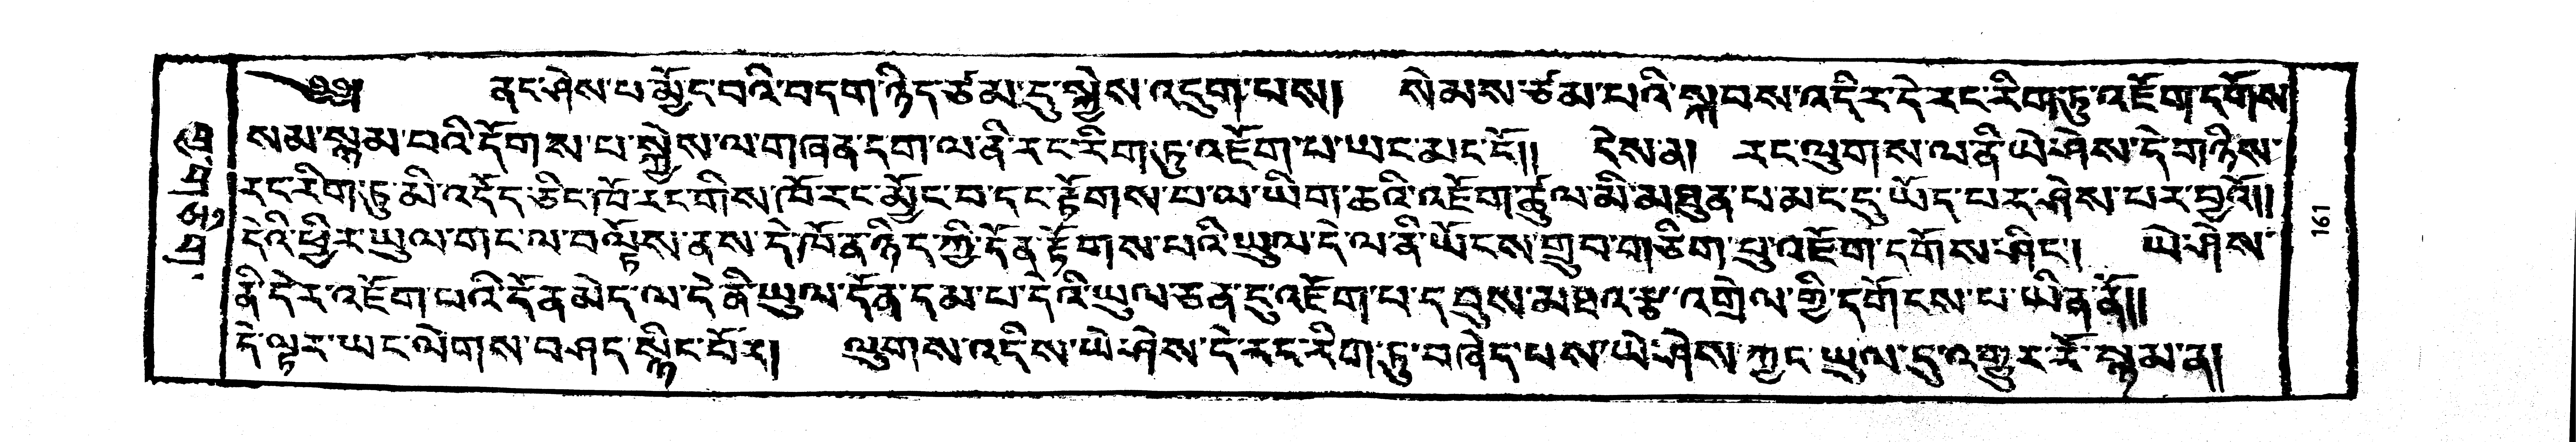༄༅།།ནང་ཤེས་པ་མྱོང་བའི་བདག་ཉིད་ཙམ་དུ་སྐྱེས་འདུག་པས། སེམས་ཙམ་པའི་སྐབས་འདིར་དེ་རང་རིག་ཏུ་འཇོག་དགོས་
སམ་སྙམ་པའི་དོགས་པ་སྐྱེས་ལ་གཞན་དག་ལ་ནི་རང་རིག་ཏུ་འཇོག་པ་ཡང་མང་ངོ། །དེས་ན། རང་ལུགས་ལ་ནི་ཡེ་ཤེས་དེ་གཉིས་
རང་རིག་ཏུ་མི་འདོད་ཅིང་ཁོ་རང་གིས་ཁོ་རང་མྱོང་བ་དང་རྟོགས་པ་ལ་ཡིག་ཆའི་འཇོག་ཚུལ་མི་མཐུན་པ་མང་དུ་ཡོད་པར་ཤེས་པར་བྱའོ།།
དེའི་ཕྱིར་ཡུལ་གང་ལ་བལྟོས་ནས་དེ་ཁོ་ན་ཉིད་ཀྱི་དོན་རྟོགས་པའི་ཡུལ་དེ་ལ་ནི་ཡོངས་གྲུབ་གཅིག་པུ་འཇོག་དགོས་ཤིང་། ཡེ་ཤེས་
ནི་དེར་འཇོག་པའི་དོན་མེད་ལ་དེ་ནི་ཡུལ་དོན་དམ་པ་དེའི་ཡུལ་ཅན་དུ་འཇོག་པ་དབུས་མཐའ་རྩ་འགྲེལ་གྱི་དགོངས་པ་ཡིན་ནོ།།
དེ་ལྟར་ཡང་ལེགས་བཤད་སྙིང་པོར། ལུགས་འདིས་ཡེ་ཤེས་དེ་རང་རིག་ཏུ་བཞེད་པས་ཡེ་ཤེས་ཀྱང་ཡུལ་དུ་འགྱུར་རོ་སྙམ་ན།